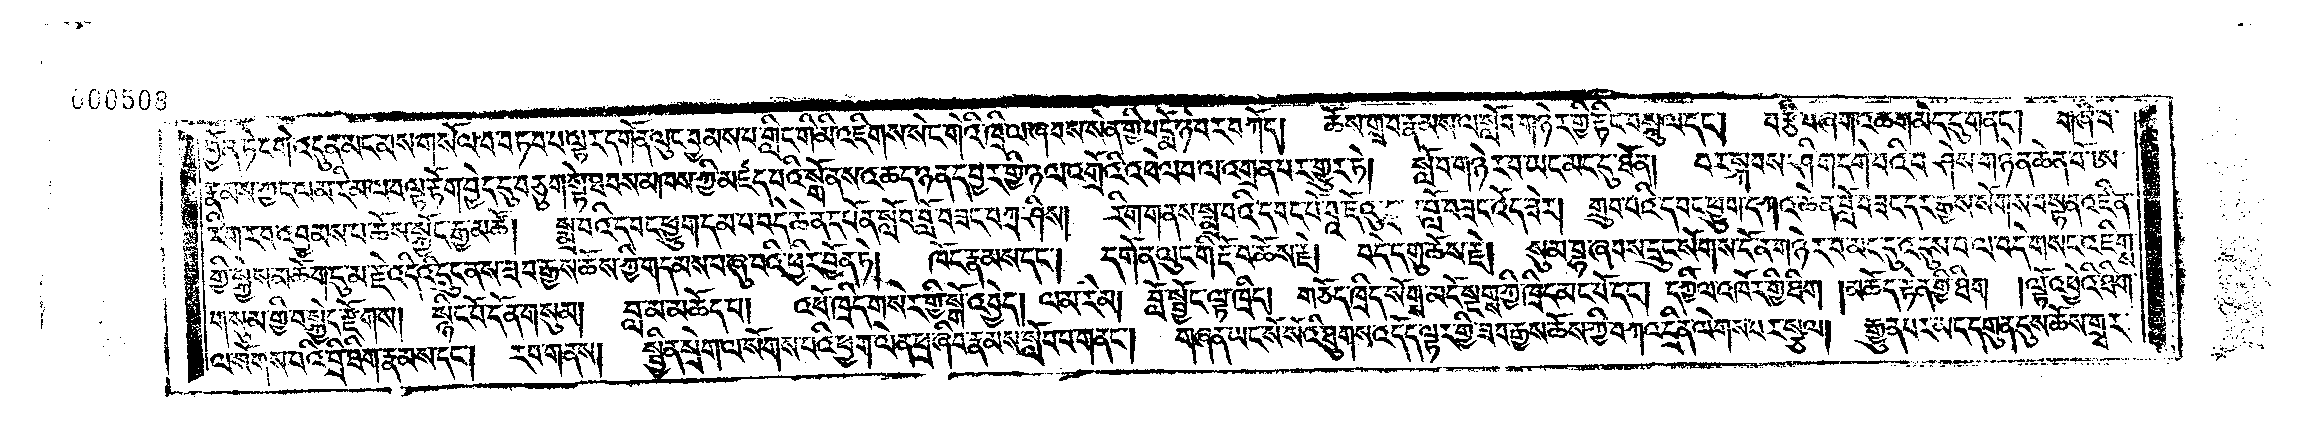བྱོན་ཏེ་དགེ་འདུན་མང་མས་གསོལ་བ་བཏབ་པ་ལྟར་དགོན་ལུང་བྱམས་པ་གླིང་གི་མི་འཇིགས་སེང་གེའི་ཁྲི་ལ་ཞབས་སེན་གྱི་པདམོ་ཉེ་བར་བཀོད། ཆོས་གྲྭ་བ་རྣམས་ལ་སློབ་གཉེར་གྱི་རྟིང་བསྐུལ་དང་། བརྩི་བཞག་འཆག་མེད་དུ་གནང་། གཞི་བ་
རྣམས་ཀྱང་ལམ་རིམ་ལ་བལྟ་རྟོག་བྱེད་དུ་བཅུག་སྟེ་ཐབས་མཁས་ཀྱི་མཛད་པའི་སྒོ་ནས་འཆད་ཉན་དབྱར་གྱི་ཉལ་འགྲོའི་འཕེལ་བ་ལ་འགྲན་པར་གྱུར་ཏེ། སློབ་གཉེར་བ་ཡང་མང་དུ་ཐོན། བར་སྐབས་ཤིག་དགེ་བའི་བཤེས་གཉེན་ཆེན་པོ་ཨ་
རིག་རབ་འབྱམས་པ་ཆོས་སྐྱོང་རྒྱ་མཚོ། སྨྲ་བའི་དབང་ཕྱུག་དམ་པ་བདེ་ཆེན་དཔོན་སློབ་བློ་བཟང་བཀྲ་ཤིས། རིག་གནས་སྨྲ་བའི་དབང་པོ་བཱ་ཇོའུ་བླ་མ་བློ་བཟང་འོད་ཟེར། གྲུབ་པའི་དབང་ཕྱུག་དཀའ་ཆེན་བློ་བཟང་དར་རྒྱས་སོགས་བསྟན་འཛིན་
གྱི་སྐྱེས་མཆོག་དུ་མ་རྗེ་འདིའི་དྲུང་ནས་ཟབ་རྒྱས་ཆོས་ཀྱི་གདམས་བ་ཞུ་བའི་ཕྱིར་བྱོན་ཏེ། ཁོང་རྣམས་དང་། དགོན་ལུང་གི་རྔོ་བ་ཆོས་རྗེ། བདེ་དགུ་ཆོས་རྗེ། སུམ་བྷ་ཞབས་དྲུང་སོགས་དོན་གཉེར་བ་མང་དུ་འདུས་པ་ལ་བདེ་གསང་འཇིགས་
གསུམ་གྱི་བསྐྱེད་རྫོགས། སྙིང་པོ་དོན་གསུམ། བླ་མ་མཆོད་པ། འཕོ་ཁྲིད་གསེར་གྱི་སྒོ་འབྱེད། ལམ་རིམ། བློ་སྦྱོང་ལྟ་ཁྲིད། གཅོད་ཁྲིད་སོགས་མདོ་སྔགས་ཀྱི་ཁྲིད་མང་པོ་དང་། དཀྱིལ་འཁོར་གྱི་ཐིག །མཆོད་རྟེན་གྱི་ཐིག །ལྟོ་འཕྱེའི་ཐིག་
ལ་སོགས་པའི་བྲི་ཐིག་རྣམས་དང་། རབ་གནས། སྦྱིན་སྲེག་ལ་སོགས་པའི་ཕྱག་ལེན་ཕྲ་ཞིབ་རྣམས་སློབ་པ་གནང་། གཞན་ཡང་སོ་སོའི་ཐུགས་འདོད་ལྟར་གྱི་ཟབ་རྒྱས་ཆོས་ཀྱི་བཀའ་དྲིན་ལེགས་པར་སྩལ། རྒྱུན་པར་ཡང་དགུན་དུས་ཆོས་གྲྭར་